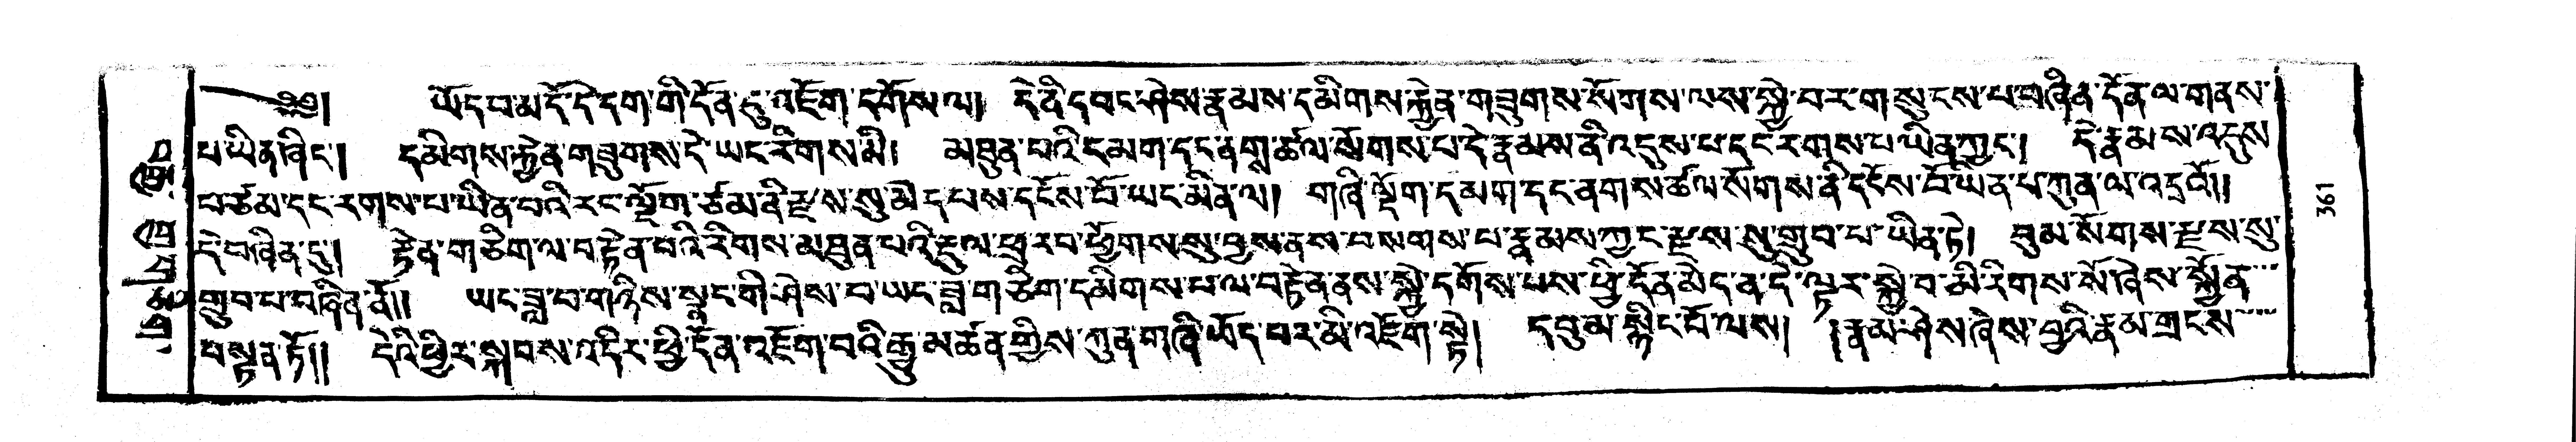༄༅། །ཡོད་པ་མདོ་དེ་དག་གི་དོན་དུ་འཇོག་དགོས་ལ། དེ་ནི་དབང་ཤེས་རྣམས་དམིགས་རྐྱེན་གཟུགས་སོགས་ལས་སྐྱེ་བར་གསུངས་པ་བཞིན་དོན་ལ་གནས་
པ་ཡིན་ཞིང་། དམིགས་རྐྱེན་གཟུགས་དེ་ཡང་རིགས་མི། མཐུན་པའི་དམག་དང་ནགས་ཚལ་སོགས་པ་དེ་རྣམས་ནི་འདུས་པ་དང་རགས་པ་ཡིན་ཀྱང་། དེ་རྣམས་འདུས་
པ་ཙམ་དང་རགས་པ་ཡིན་པའི་རང་ལྡོག་ཙམ་ནི་རྫས་སུ་མེད་པས་དངོས་པོ་ཡང་མིན་ལ། གཞི་ལྡོག་དམག་དང་ནགས་ཚལ་སོགས་ནི་དངོས་པོ་ཡིན་པ་ཀུན་ལ་འདྲའོ། །
དེ་བཞིན་དུ། རྟེན་གཅིག་ལ་བརྟེན་པའི་རིགས་མཐུན་པའི་རྡུལ་ཕྲ་རབ་ཕྱོགས་སུ་བྱས་ནས་བསགས་པ་རྣམས་ཀྱང་རྫས་སུ་གྲུབ་པ་ཡིན་ཏེ། བུམ་སོགས་རྫས་སུ་
གྲུབ་པ་བཞིན་ནོ། །ཡང་ཟླ་བ་གཉིས་སྣང་གི་ཤེས་པ་ཡང་ཟླ་གཅིག་དམིགས་པ་ལ་བརྟེན་ནས་སྐྱེ་དགོས་པས་ཕྱི་དོན་མེད་ན་དེ་ལྟར་སྐྱེ་བ་མི་རིགས་སོ་ཞེས་སྐྱོན་
བསྟན་ཏོ། །དེའི་ཕྱིར་སྐབས་འདིར་ཕྱི་དོན་འཇོག་པའི་རྒྱུ་མཚན་གྱིས་ཀུན་གཞི་ཡོད་པར་མི་འཇོག་སྟེ། དབུ་མ་སྙིང་པོ་ལས། །རྣམ་ཤེས་ཞེས་བྱའི་རྣམ་གྲངས་